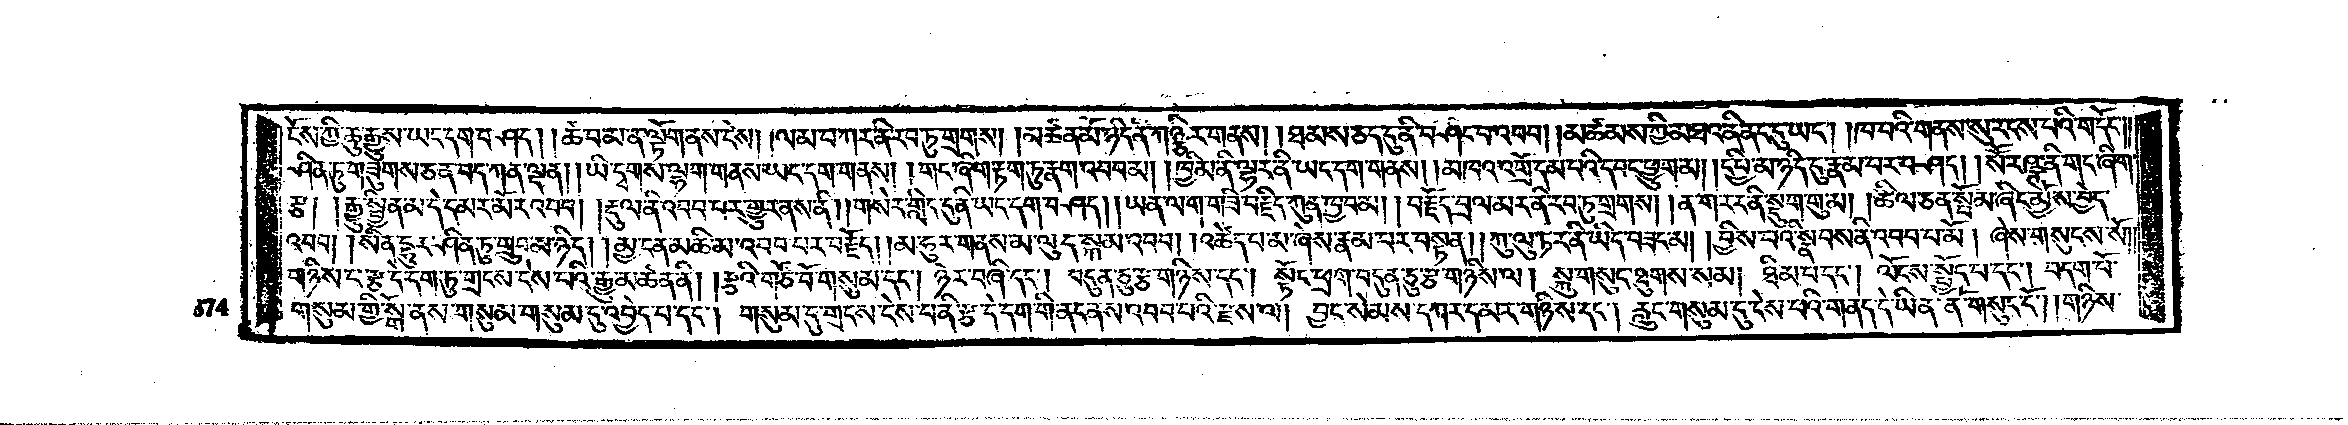ངོས་ཀྱི་ཆུ་རྒྱུས་ཡང་དག་བཤད། །ཚ་བ་མ་ན་ལྟོག་ནས་ངེས། །ལམ་བ་ཀར་ནི་རབ་ཏུ་གྲགས། །མཚན་མོ་ཉིད་ནི་ཀཉྩིར་གནས། །ཐམས་ཅད་དུ་ནི་བཤད་པ་འབབ། །མཚམས་ཀྱི་མཐའ་ནི་ནང་དུ་ཡང་། །ཁ་བའི་གནས་སུ་རངས་པའི་གདོང་། །
ཤིན་ཏུ་གཟུགས་ཅན་བད་ཀན་ལྡན། །ཡི་དྭགས་ལྷག་གནས་ཡང་དག་གནས། །གང་ཞིག་རྟག་ཏུ་རྣག་འབབ་མ། །ཁྱིམ་ནི་ལྷར་ནི་ཡང་དག་གནས། །མཁའ་འགྲོ་དམ་པའི་དབང་ཕྱུག་མ། །དཔྱི་མ་ཉིད་དུ་རྣམ་པར་བཤད། །སོ་རཤྚཱ་ནི་གང་ཞིག་
རྩ། །རྒྱུ་སྦྱིན་མ་དེ་དམར་མོར་འབབ། །རྡུལ་ནི་འབབ་པར་གྱུར་ནས་ནི། །གསེར་གླིང་དུ་ནི་ཡང་དག་བཤད། །ཡན་ལག་གཟི་བརྗིད་ཀུན་ཁྱབ་མ། །བརྗོད་བྲལ་མར་ནི་རབ་ཏུ་གྲགས། །ན་ག་རར་ནི་སྡུག་གུ་མ། །ཚིལ་ཅན་སྦོམ་ཞིང་མྱོས་བྱེད་
འབབ། །སིན་དྷུར་ཤིན་ཏུ་གྲུབ་མ་ཉིད། །མྱ་ངན་མཆི་མ་འབབ་པར་བརྗོད། །མ་ཧུར་གནས་མ་ལུད་སྐམ་འབབ། །འཚེད་པ་མ་ཞེས་རྣམ་པར་བསྟན། །ཀུ་ལུ་ཏར་ནི་ཡིད་བཟང་མ། །བྱིས་པའི་སྣབས་ནི་འབབ་པ་མོ། ཞེས་གསུངས་སོ། །
གཉིས་པ་རྩ་དེ་དག་ཏུ་གྲངས་ངེས་པའི་རྒྱུ་མཚན་ནི། །རྩའི་གཙོ་བོ་གསུམ་དང་། ཉེར་བཞི་དང་། བདུན་ཅུ་རྩ་གཉིས་དང་། སྟོང་ཕྲག་བདུན་ཅུ་རྩ་གཉིས་ལ། སྐུ་གསུང་ཐུགས་སམ། ཐིམ་པ་དང་། ལོངས་སྤྱོད་པ་དང་། བདག་པོ་
གསུམ་གྱི་སྒོ་ནས་གསུམ་གསུམ་དུ་འབྱེད་པ་དང་། གསུམ་དུ་གྲངས་ངེས་པ་ནི་རྩ་དེ་དག་གི་ནང་ནས་འབབ་པའི་རྫས་ལ། བྱང་སེམས་དཀར་དམར་གཉིས་དང་། རླུང་གསུམ་དུ་ངེས་པའི་གནད་དེ་ཡིན་ནོ་གསུང་ངོ། །གཉིས་